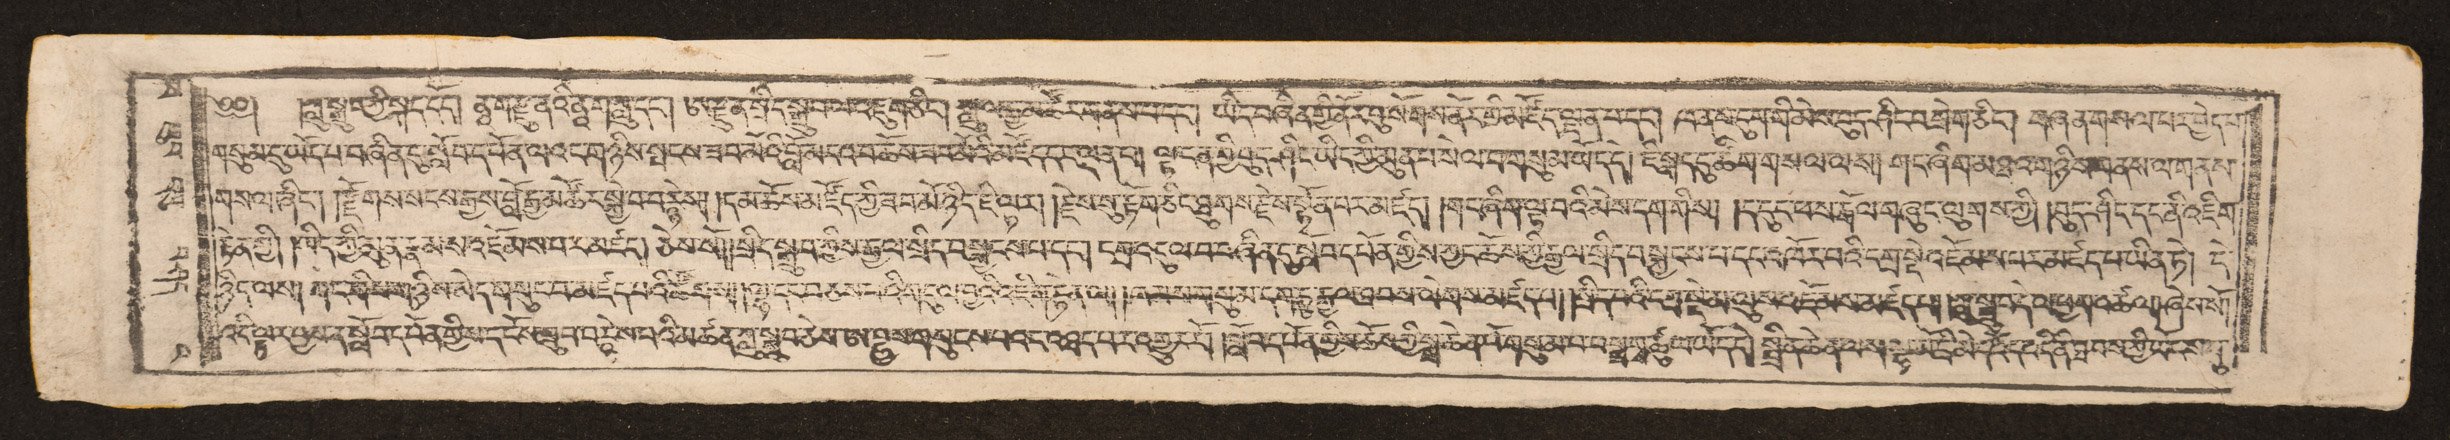༄༅། །ཀླུ་སྒྲུབ་ཀྱི་སྐད་དོད། ནཱ་གརྫུ་ནའི་ནཱ་ག་ཀླུ་དང་། ཨརྫུན་སྲིད་སྒྲུབ་ལ་འཇུག་ཅིང་། ཀླུ་ལ་རྒྱ་མཚོར་གནས་པ་དང་། ཡིད་བཞིན་གྱི་ནོར་བུ་སོགས་ནོར་གྱི་མཛོད་ལྡན་པ་དང་། ཁ་ནས་དུག་གི་མེས་བུད་ཤིང་བསྲེག་ཅིང་། གཞན་གསལ་པར་བྱེད་པ་
གསུམ་དུ་ཡོད་པ་བཞིན་དུ་སློབ་དཔོན་ལའང་གཉིས་སྤངས་ཟབ་མོའི་བློ་མངའ་བ་ཆོས་ཟབ་མོའི་མཛོད་དང་ལྡན་པ་ལྟ་ངན་གྱི་བུད་ཤིང་ཡིད་ཀྱི་མུན་པ་སེལ་བ་གསུམ་ཡོད་དེ། ཇི་སྐད་དུ་ཚིག་གསལ་ལས། གང་ཞིག་མཐའ་གཉིས་གནས་ལ་གནས་
གསལ་ཞིང་། །རྫོགས་སངས་རྒྱས་བློ་རྒྱ་མཚོར་སྐྱེ་བ་བརྙེས། །དམ་ཆོས་མཛོད་ཀྱི་ཟབ་མོ་ཉིད་ཇི་ལྟར། །རྗེས་སུ་རྟོག་ཅིང་ཐུགས་རྗེས་སྟོན་པར་མཛད། །གང་ཞིག་ལྟ་བའི་མེས་དག་གིས། །ད་དུང་ཕས་རྒོལ་གཞུང་ལུགས་ཀྱི། །བུད་ཤིང་དང་ནི་འཇིག་
རྟེན་གྱི། །ཡིད་ཀྱི་མུན་རྣམས་འཇོམས་པར་མཛད། ཅེས་སོ། །སྲིད་སྒྲུབ་ཀྱིས་རྒྱལ་སྲིད་བསྐྱངས་པ་དང་། དགྲ་འདུལ་བ་བཞིན་དུ་སློབ་དཔོན་གྱིས་གྱང་ཆོས་ཀྱི་རྒྱལ་སྲིད་བསྐྱངས་པ་དང་འཁོར་བའི་དགྲ་སྡེ་འཇོམས་པར་མཛད་པ་ཡིན་ཏེ། དེ་
ཉིད་ལས། གང་གིས་གཉིས་མེད་གསུང་པ་མཛད་པའི་ཚོགས། །ལྷ་དང་བཅས་པའི་གདུལ་བྱའི་འཇིག་རྟེན་ལ། །ཁམས་གསུམ་དག་ཏུ་རྒྱལ་ཐབས་ལེགས་མཛད་པ། །སྲིད་པའི་དགྲ་སྡེ་མ་ལུས་འཇོམས་མཛད་པ། །ཀླུ་སྒྲུབ་དེ་ལ་ཕྱག་འཚལ། ཞེས་སོ།
འདི་ལྟར་བྱས་ན་སློབ་དཔོན་གྱིས་དངོས་གྲུབ་བརྙེས་པའི་མཚན་གྲུ་སྒྲུབ་ཅེས་ཨ་བྷྱས་གསུངས་པའང་འཐད་པར་འགྱུར་རོ། །སློབ་དཔོན་གྱིས་ཆོས་ཀྱི་སྒྲ་ཆེན་པོ་གསུམ་པ་བསྒྲགས་ཚུལ་ཡོད་དེ། སྤྲིན་ཆེན་ལས་ལྷ་མོ་དྲི་མེད་འོད་འདི་ནི་ཐབས་ཀྱི་ཡོངས་སུ་